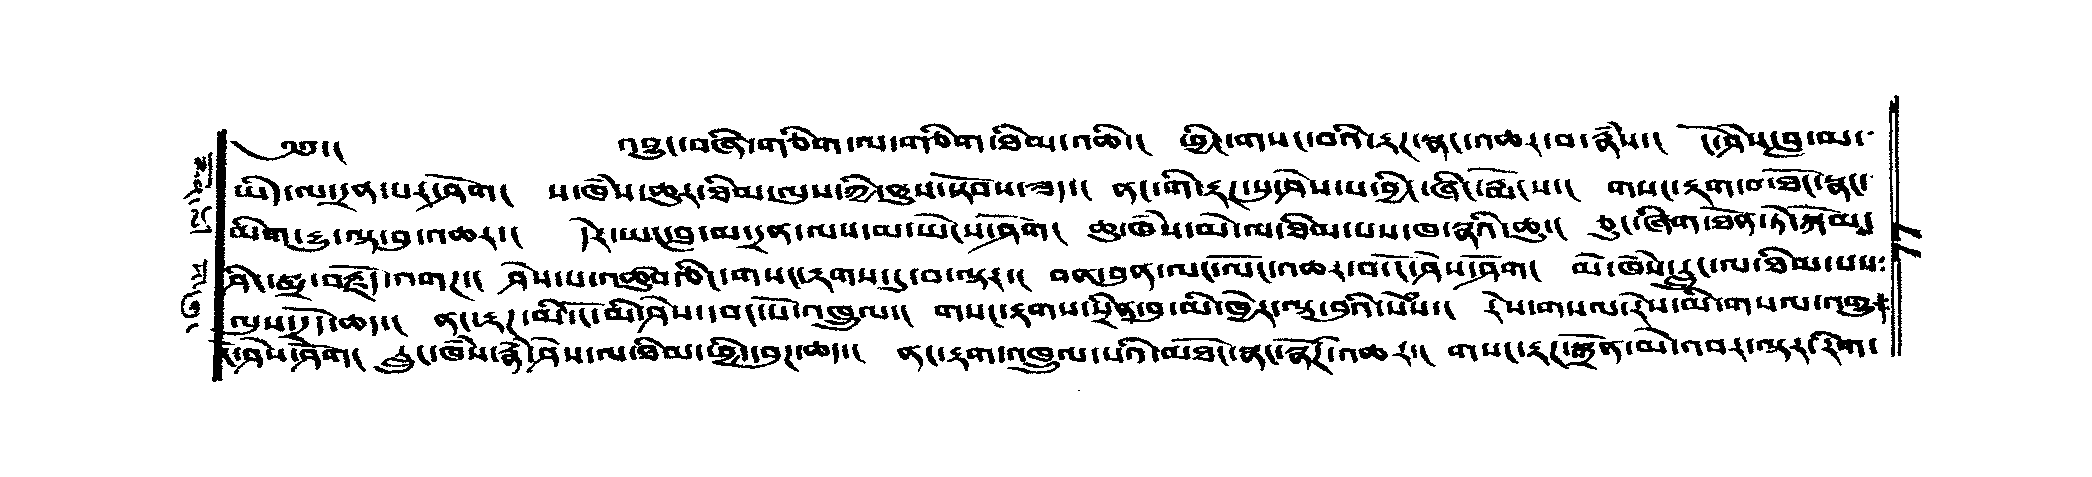འབྱུང་བཞི་གཅིག་ལ་གཅིག་ཐིམ་འཆི། །ཕྱི་ནང་གསང་བའི་རྟགས་སྣང་འཆར་བ་རྣམས། །ངོ་ཤེས་བླ་མ་
ཡིད་ལ་དྲན་པར་ཤོག །ས་ཁམས་ཆུར་ཐིམ་ལུས་ཀྱི་ནུས་སྟོབས་ཟད། །ནང་གི་རྟགས་སུ་ཤེས་པ་བྱིང་ཞིང་རྨོངས། །གསང་རྟགས་མཐོང་སྣང་
མིག་རྒྱུ་ལྟ་བུ་འཆར། །དེར་ཡང་བླ་མ་དྲན་ལས་མ་ཡེངས་ཤོག །ཆུ་ཁམས་མེ་ལ་ཐིམ་པས་ཁ་སྣའི་ཆུ། །ཅུང་ཞིག་ཐོན་ཏེ་སྐོམས་
ཤིང་སྨྲ་བརྗོད་འགགས། །ཤེས་པ་འཚུབ་ཅིང་གསང་རྟགས་དུ་བ་ལྟར། །བན་བུན་ལང་ལོང་འཆར་བ་ངོ་ཤེས་ཤོག །མེ་ཁམས་རླུང་ལ་ཐིམ་པས་
ལུས་དྲོད་ཆད། །ནང་རྟགས་མི་ངོ་མི་ཤེས་དབང་པོ་འཁྲུལ། །གསང་རྟགས་སྲིན་བུ་མེ་ཁྱེར་ལྟ་བུའི་སེམས། །རེས་གསལ་རེས་མི་གསལ་འགྱུར་
ངོ་ཤེས་ཤོག །རླུང་ཁམས་རྣམ་ཤེས་ལ་ཐིམ་ཕྱི་དབུགས་ཆད། །ནང་རྟགས་འཁྲུལ་པའི་མཐོང་སྣང་སྣ་ཚོགས་འཆར། །གསང་རྟགས་སྒྲོན་མེ་འབར་ལྟར་རིག་